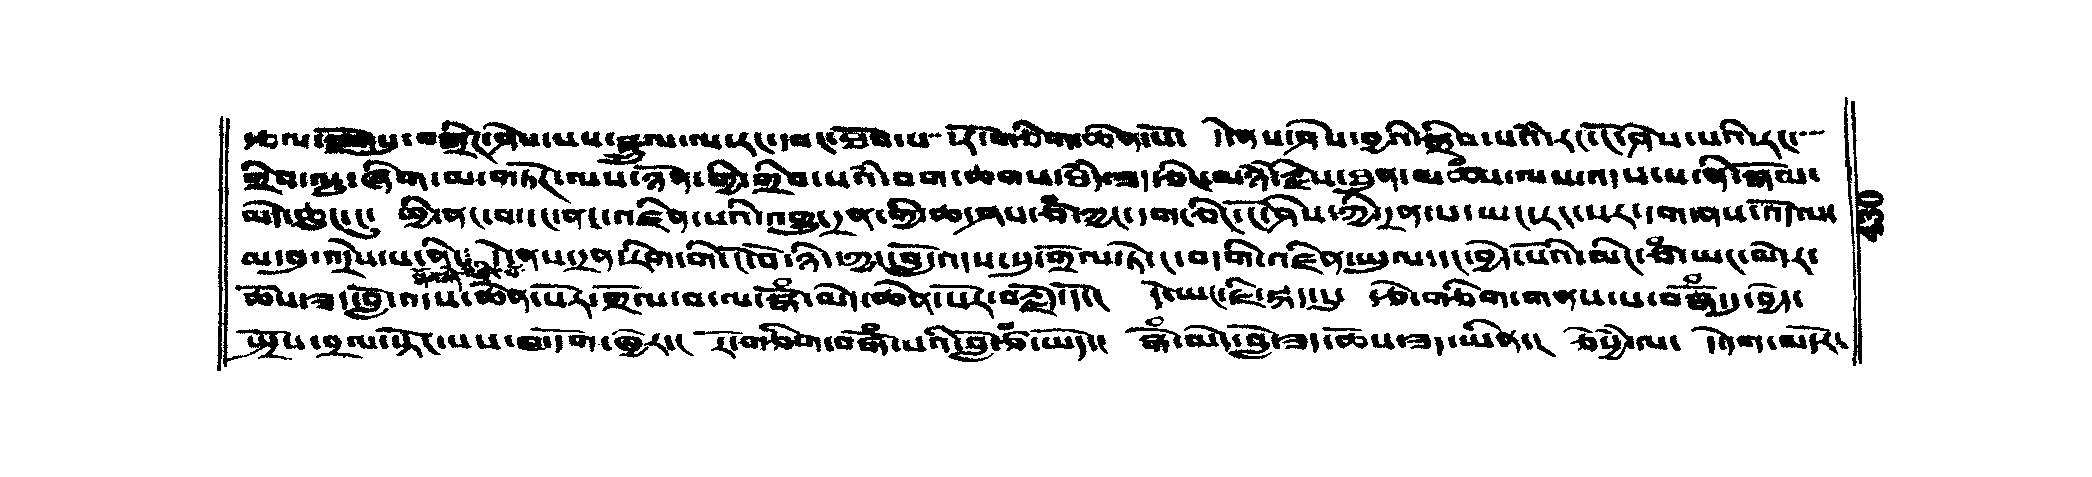རྩལ་རྫོགས་སུ་བསྒྲིགས་ཤེས་པས་རྫུ་འཕྲུལ་ལ་རང་དབང་ཐོབ་པ་རོ་གཅིག་ཆེན་པོ། དེ་ནས་ཤེས་བྱའི་སྒྲིབ་པའམ་རང་ངོ་ཤེས་པའི་རང་
གྲིབ་ལྟ་བུ་ཞིག་མ་གཏོགས་ལས་ཉོན་གྱི་སྒྲིབ་པའམ་བག་ཆགས་ཐམས་ཅད་ཟད་ཅིང་མཉམ་རྗེས་ཐུན་མཚམས་ལས་འདས་པ་ནི་སྒོམ་
མེད་ཆུང་ངུ་། ཕྱི་སྣང་བ་དང་ནང་འཇིག་རྟེན་པའི་འགྱུ་དྲན་གྱི་ཆ་ཤས་ཙམ་ཀྱང་དག་ཅིང་དག་ཅིང་ངོ་ཤེས་ཀྱི་དྲན་པ་ཡང་རང་སར་དག་ནས་འོད་གསལ་་
མ་བུ་འདྲེས་པ་ནི་སྒོམ་མེད་འབྲིང་པོ། དེ་ནས་དྲན་རིག་གི་ངོ་བོ་ཉིད་ཀྱང་བློ་འདས་སུ་གྲོལ་ཏེ་བདག་གི་འཛིན་ཡུལ་དང་བྱེད་པོའི་མིང་ཙམ་ཡང་མེད་པར་
ཆོས་ཟད་བློ་འདས་ཆེན་པོར་གྲོལ་བ་ལ་སྒོམ་མེད་ཆེན་པོར་བརྗོད་དོ། དེ་ཡང་ཇི་སྐད་དུ། རྩེ་གཅིག་གནས་པ་བསྒོམ་དུ་བྱེད། །
སྤྲོས་བྲལ་སྟོང་པས་ཁ་དོག་ཁྱེར། །རོ་གཅིག་བསྒོམ་པའི་བློ་ཙམ་ཡོད། །སྒོམ་མེད་བློ་ཟད་ཆོས་ཟད་ཡིན། །ཅེས་གསུངས་ལ་དེ་དག་མདོར་